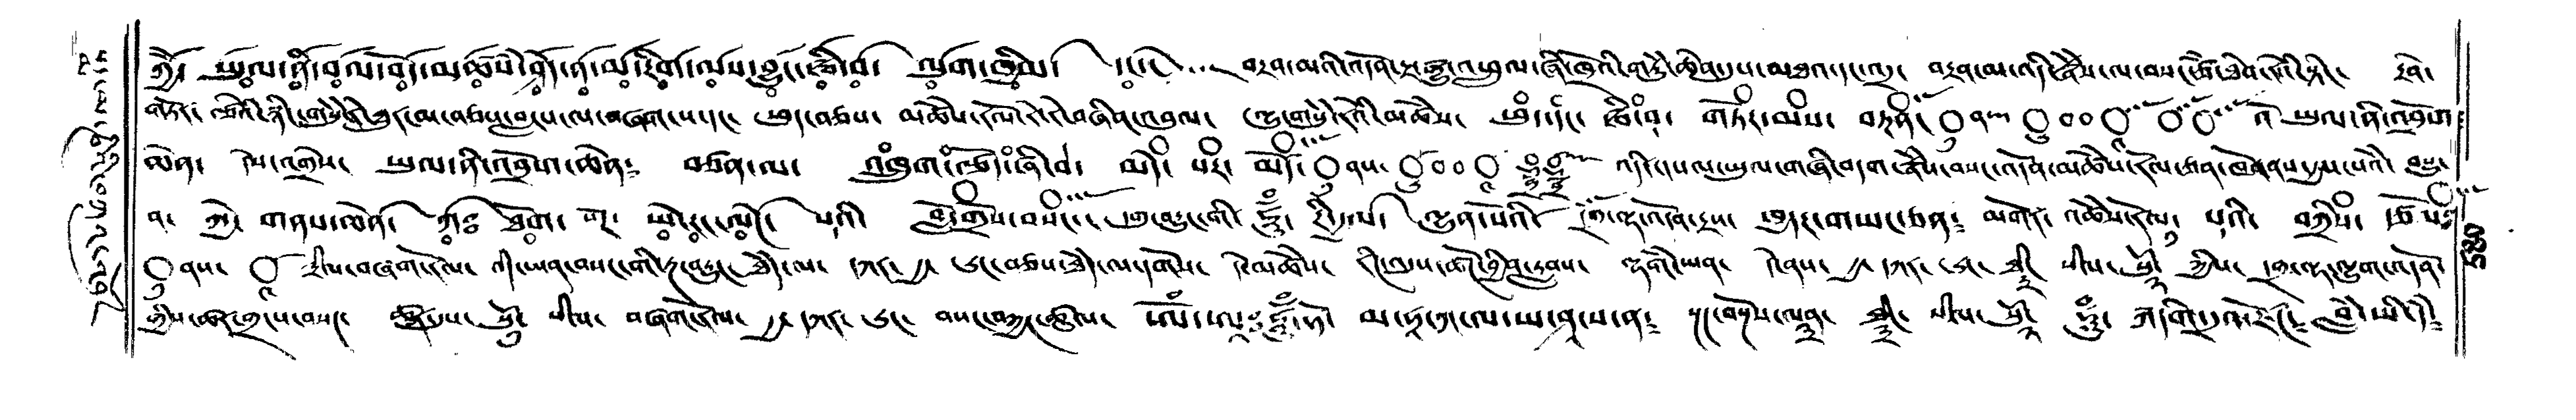ཀྱཻ། ཡུལ་ནི་བལ་བོད་མཚམས་ཤེད་ན། མ་རིག་ལས་བྱུང་ཝི་བ་ལུག་ཁྱིམ་དང་། བརྟན་མའི་འདོན་རྟ་སྒྱུ་འཕྲུལ་ཞི་ཁྲོའི་གཏུམ་ཆེན་དུས་མཐའ་དང་འདྲ། བརྟན་མ་འདི་རྣམས་ལ་བསང་ཙམ་ཐེབ་རེའི་སྟེང་། རྟེན་
གཏོར་རྩེའི་སྙིང་གསུམ་རེ་ཐུར་མ་བཅས་བླངས་ལ་བཞག་པ་དང་། ཕུད་བཅས་མཚམས་རོལ་རེ་རེ་བཞིན་འབུལ། ལྷུ་གསུམ་རེའི་མཚམས། ཕུད་དང་ཝི་བ་གཏོར་མས་བརྔན། ནས། འོ། ཡུལ་ནི་འབྲོག་
ཆེན༴ དེས་འགྲེས། ཡུལ་ནི་འབྲོག་ཆེན༴ བཙན་ལ། འཁྲུག་རྩོད་ཞི་བ་མེད་པར་མཛོད། ནས། འདིར་དཔལ་ཡུལ་གཞི་བདག་རྣམས་བསང་འདོན་མཚམས་རོལ་ཅན་ཁོ་ནས་རྒྱས་པའམ། བསྡུ་
ན། ཀྱེ། གནས་ཆེན་ཀཿཐོག༴ སོགས། ཡེ་རང་ལེགས་པའི་བློ་གྲོས་བསང་། དགུ་རྡུང་གིས། ཧཱུྃ། རི་རྒྱལ་ལྷུན་པོའི༴ དགྲ་ལྷའི་འདོན་རྟས། ཁྱད་པར་གཡང་ཅན༴ མགོར། འཚམས་རོལ་གཅིག བཀྲ་ཤིས་རྩོལཿ 
ནས། ཟིལ། བཞག་རོལ། འདི་ཡན་བསང་གི་རྔ་རྡུང་། ཐམས་ཅད་དཀར། རྒྱ། དུང་བཅས་ཐམས་ཅད་ལ་དགོས། དེ་མཚམས་རིགས་འདུས་ཚོགས་བྱིན་རླབས་ལྷག་མ་ཡན། དེ་ནས། རྒྱ། དཀར། དུང་། ཐིང་གསུམ། སིལ། སུམ་གཉིས། དགྲ་ལྷ་ལྷུག་འདོན་
གྱིས་ཚར་གྲངས་བསག ཚར་དུས། སུམ་གཅིག སིལ། བཞག་རོལ། རྒྱ། དཀར་དུང་། བསང་བཀྱགས་ཚུལ། ཨོཾ་ཨཱཿཧཱུྃ་ཧོ། མ་ཧཱ་ཀ་ལ་ཡ་ཤཱ་ས་ན༴ སྔགས་བསྔོས་ལན་གསུམ། ཐིང་གསུམ། སིལ། སུམ་གཉིས། ཧཱུྃ། སྐད་གཅིག་དྲན་རྫོགས༴ བླ་མ་ཡི་དམ༴